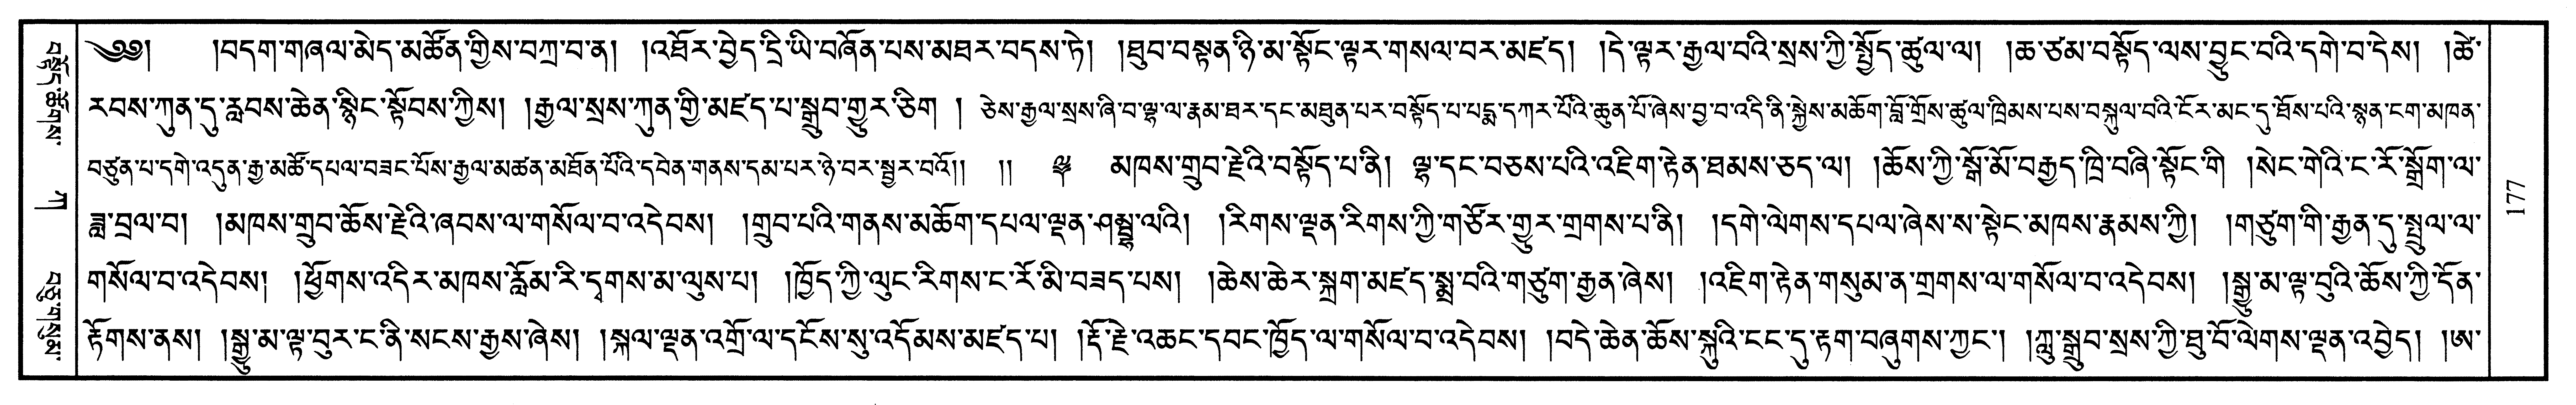༄༅། །བདག་གཞལ་མེད་མཚོན་གྱིས་བཀྲ་བ་ན། །འཐོར་བྱེད་དྲི་ཡི་བཞོན་པས་མཐར་བདས་ཏེ། །ཐུབ་བསྟན་ཉི་མ་སྟོང་ལྟར་གསལ་བར་མཛད། །དེ་ལྟར་རྒྱལ་བའི་སྲས་ཀྱི་སྤྱོད་ཚུལ་ལ། །ཆ་ཙམ་བསྟོད་ལས་བྱུང་བའི་དགེ་བ་དེས། །ཚེ་
རབས་ཀུན་དུ་རླབས་ཆེན་སྙིང་སྟོབས་ཀྱིས། །རྒྱལ་སྲས་ཀུན་གྱི་མཛད་པ་སྒྲུབ་གྱུར་ཅིག །ཅེས་རྒྱལ་སྲས་ཞི་བ་ལྷ་ལ་རྣམ་ཐར་དང་མཐུན་པར་བསྟོད་པ་པདམ་དཀར་པོའི་ཆུན་པོ་ཞེས་བྱ་བ་འདི་ནི་སྐྱེས་མཆོག་བློ་གྲོས་ཚུལ་ཁྲིམས་པས་བསྐུལ་བའི་ངོར་མང་དུ་ཐོས་པའི་སྙན་ངག་མཁན་
བཙུན་པ་དགེ་འདུན་རྒྱ་མཚོ་དཔལ་བཟང་པོས་རྒྱལ་མཚན་མཐོན་པོའི་དབེན་གནས་དམ་པར་ཉེ་བར་སྦྱར་བའོ།། །། ༈ མཁས་གྲུབ་རྗེའི་བསྟོད་པ་ནི། ལྷ་དང་བཅས་པའི་འཇིག་རྟེན་ཐམས་ཅད་ལ། །ཆོས་ཀྱི་སྒོ་མོ་བརྒྱད་ཁྲི་བཞི་སྟོང་གི །སེང་གེའི་ང་རོ་སྒྲོག་ལ་
ཟླ་བྲལ་བ། །མཁས་གྲུབ་ཆོས་རྗེའི་ཞབས་ལ་གསོལ་བ་འདེབས། །གྲུབ་པའི་གནས་མཆོག་དཔལ་ལྡན་ཤམྦྷ་ལའི། །རིགས་ལྡན་རིགས་ཀྱི་གཙོར་གྱུར་གྲགས་པ་ནི། །དགེ་ལེགས་དཔལ་ཞེས་ས་སྟེང་མཁས་རྣམས་ཀྱི། །གཙུག་གི་རྒྱན་དུ་སྤྲུལ་ལ་
གསོལ་བ་འདེབས། །ཕྱོགས་འདིར་མཁས་རློམ་རི་དྭགས་མ་ལུས་པ། །ཁྱོད་ཀྱི་ལུང་རིགས་ང་རོ་མི་བཟད་པས། །ཆེས་ཆེར་སྐྲག་མཛད་སྨྲ་བའི་གཙུག་རྒྱན་ཞེས། །འཇིག་རྟེན་གསུམ་ན་གྲགས་ལ་གསོལ་བ་འདེབས། །སྒྱུ་མ་ལྟ་བུའི་ཆོས་ཀྱི་དོན་
རྟོགས་ནས། །སྒྱུ་མ་ལྟ་བུར་ང་ནི་སངས་རྒྱས་ཞེས། །སྐལ་ལྡན་འགྲོ་ལ་དངོས་སུ་འདོམས་མཛད་པ། །རྡོ་རྗེ་འཆང་དབང་ཁྱོད་ལ་གསོལ་བ་འདེབས། །བདེ་ཆེན་ཆོས་སྐུའི་ངང་དུ་རྟག་བཞུགས་ཀྱང་། །ཀླུ་སྒྲུབ་སྲས་ཀྱི་ཐུ་བོ་ལེགས་ལྡན་འབྱེད། །ཨ་